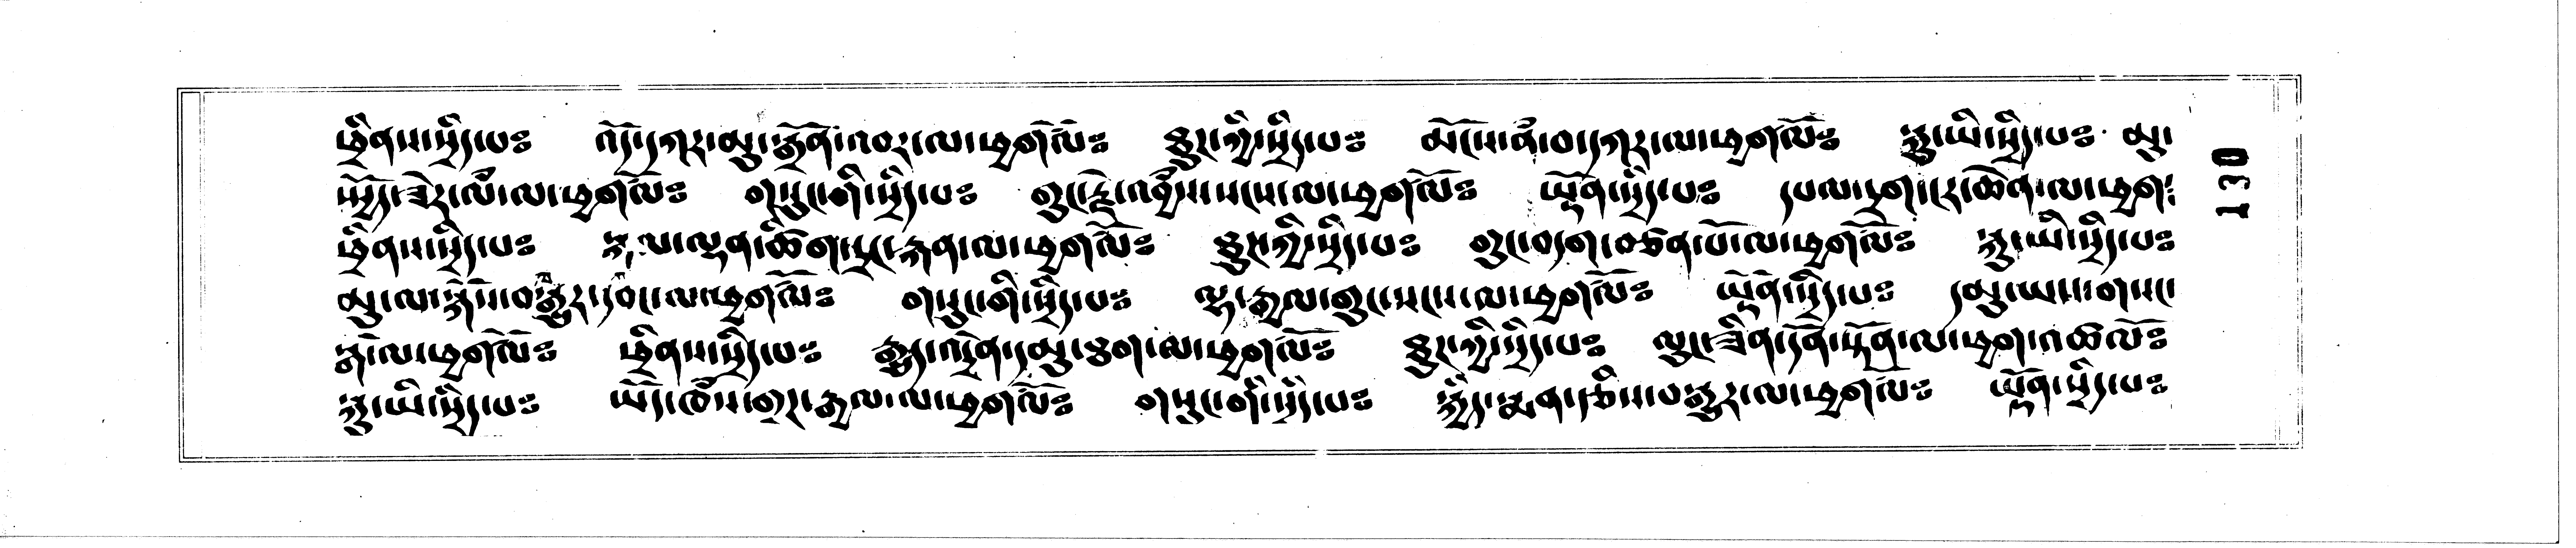ཕྲིན་ལས་ཀྱི་སྲིད་པཿ འོད་དཀར་མུན་སྒྲོན་འབར་ལ་ཕྱག་འཚལ་ལོཿ ཐུགས་ཀྱི་སྲིད་པཿ མོང་ནམ་བ་དཀར་ལ་ཕྱག་འཚལ་ལོཿ སྐུ་ཡི་སྲིད་པཿ མུ་
སྤྱོད་ཟེར་ལམ་ལ་ཕྱག་འཚལ་ལོཿ གསུང་གི་སྲིད་པཿ གུང་རྗེ་འབྱམས་སངས་ལ་ཕྱག་འཚལ་ལོཿ ཡོན་ཏན་གྱི་སྲིད་པཿ དབལ་དྲག་ངར་ཆེན་ལ་ཕྱག་འཚལ་ལོཿ 
ཕྲིན་ལས་ཀྱི་སྲིད་པཿ སྐལ་ལྡན་ཚིག་དྲང་རྐན་ལ་ཕྱག་འཚལ་ལོཿ ཐུགས་ཀྱི་སྲིད་པཿ གུང་བདག་བཙན་པོ་ལ་ཕྱག་འཚལ་ལོཿ སྐུ་ཡི་སྲིད་པཿ
 མུ་ལ་སྐོས་སྒྱུར་ལ་ཕྱག་འཚལ་ལོཿ གསུང་གི་སྲིད་པཿ ལྷ་རྒྱལ་གུང་སངས་ལ་ཕྱག་འཚལ་ལོཿ ཡོན་ཏན་གྱི་སྲིད་པཿ དམུ་ཡས་གསང་
སྒོམ་ལ་ཕྱག་འཚལ་ལོཿ ཕྲིན་ལས་ཀྱི་སྲིད་པཿ རྒྱུད་འདྲེན་དམུ་ཐག་ལ་ཕྱག་འཚལ་ལོཿ ཐུགས་ཀྱི་སྲིད་པཿ ལུང་ཟིན་དོན་སྟོན་ལ་ཕྱག་འཚལ་ལོཿ 
སྐུ་ཡི་སྲིད་པཿ ཡོད་ཁམས་གྲགས་རྒྱལ་ལ་ཕྱག་འཚལ་ལོཿ གསུང་གི་སྲིད་པཿ སྐྱེད་སྨན་རྩིས་སྒྱུར་ལ་ཕྱག་འཚལ་ལོཿ ཡོན་ཏན་གྱི་སྲིད་པཿ